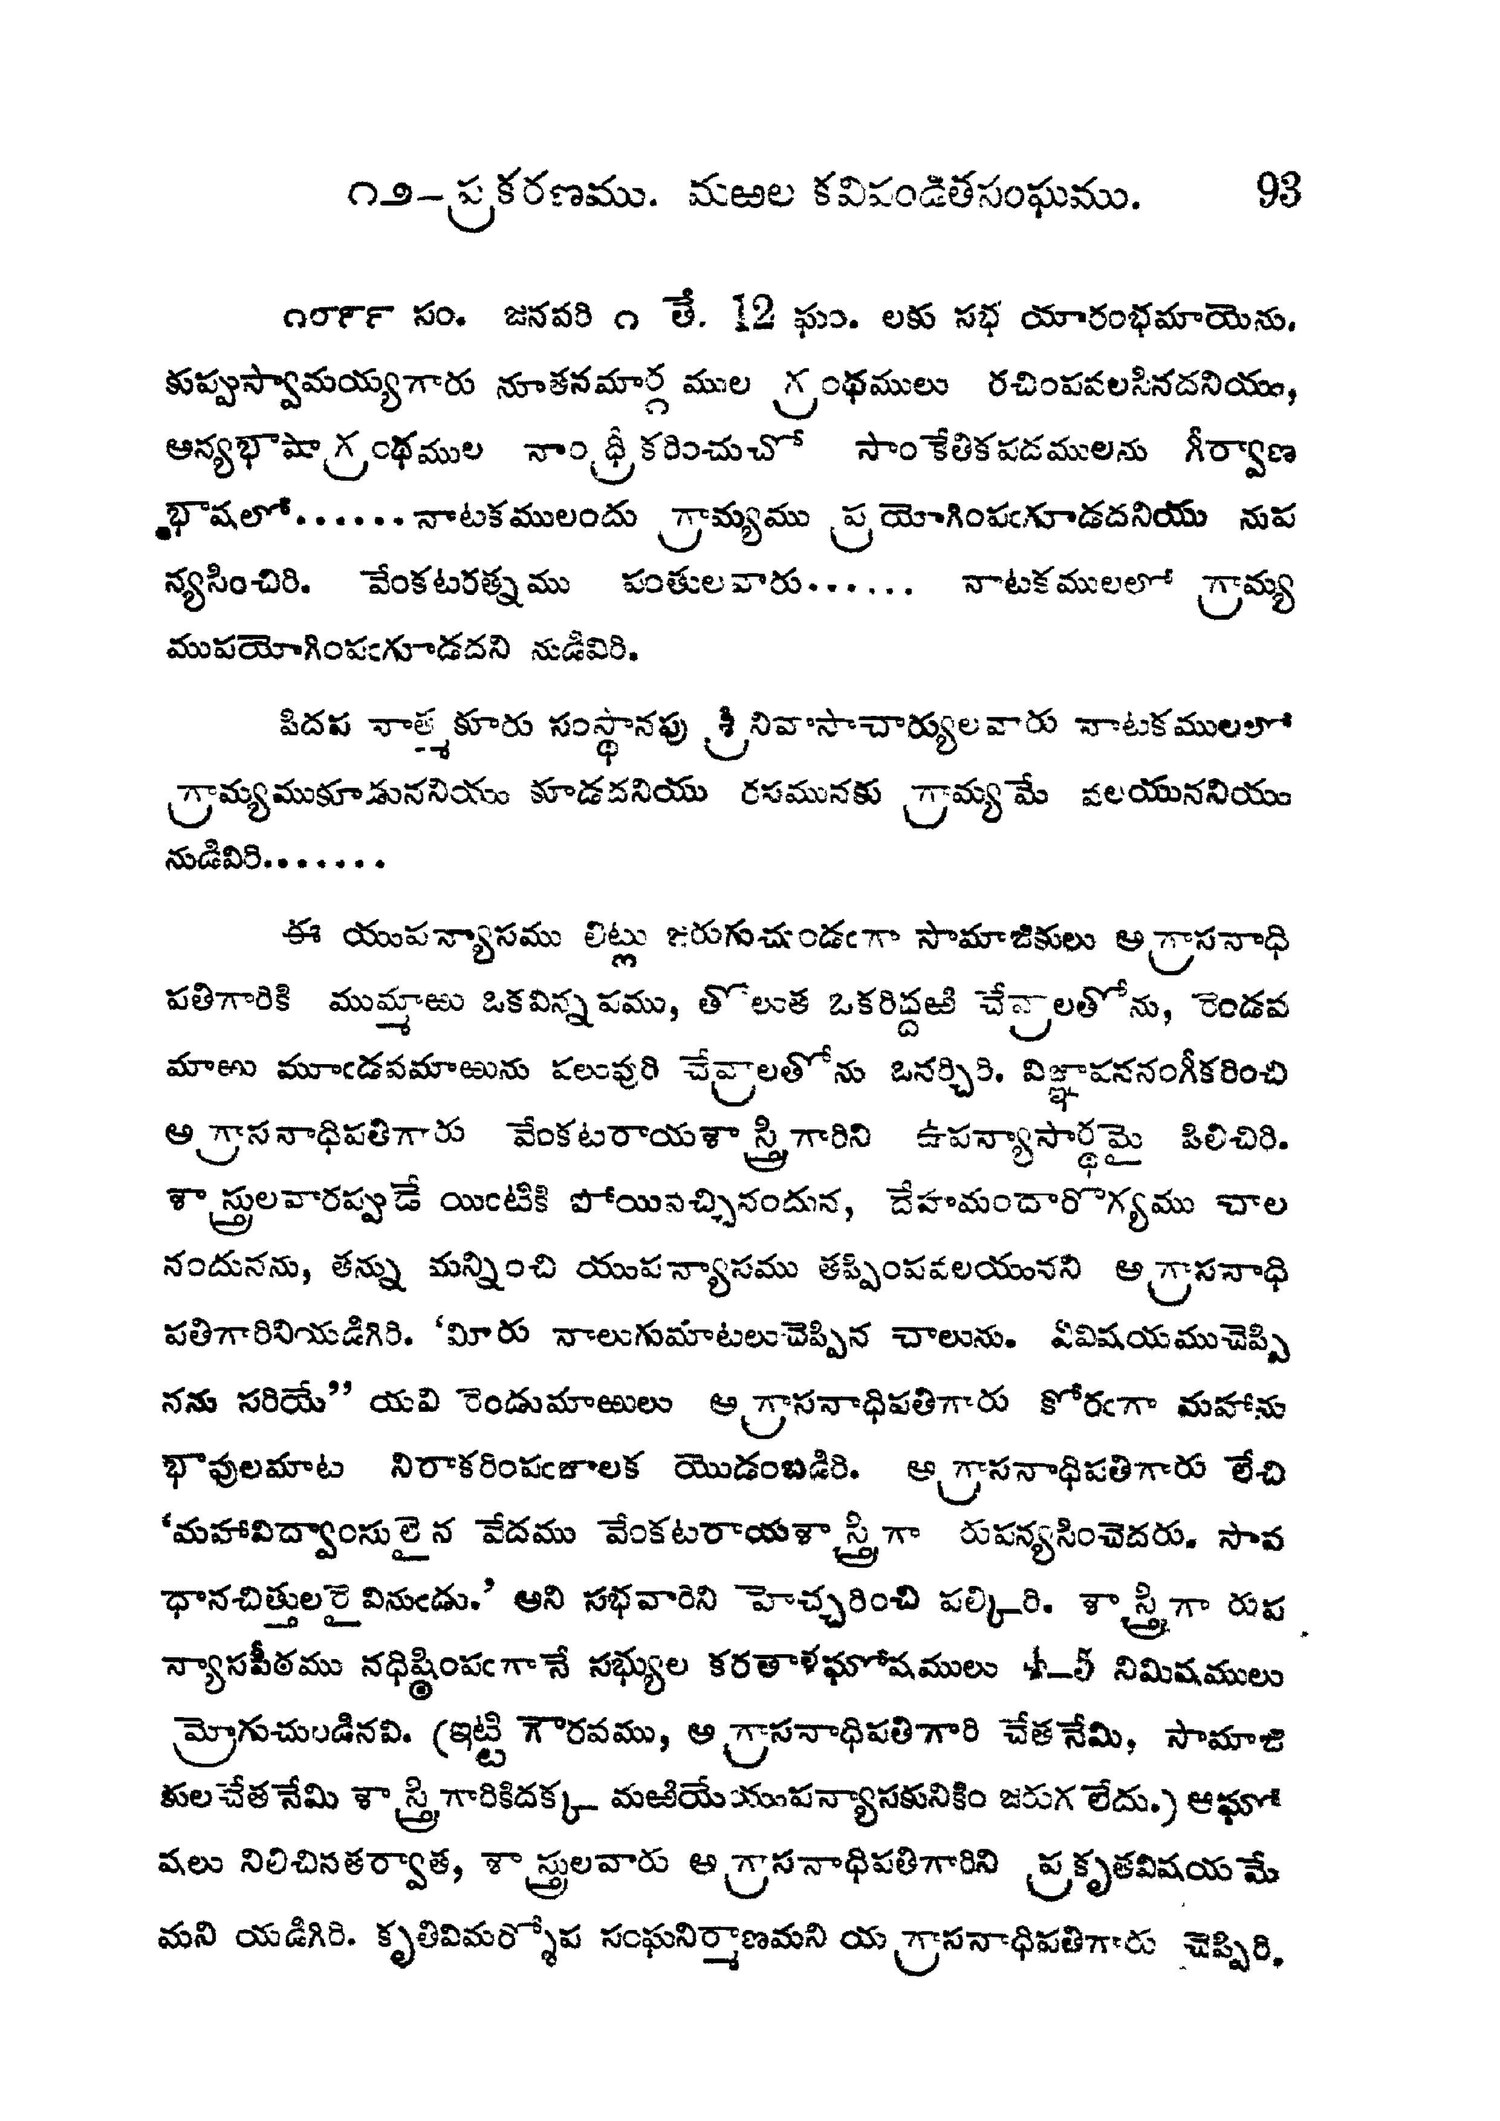1899 సం. జనవరి 1 తే. 12 ఘం. లకు సభ యారంభమాయెను. కుప్పుస్వామయ్యగారు నూతనమార్గముల గ్రంథములు రచింపవలసినదనియు, అన్యభాషాగ్రంథముల నాంధ్రీకరించుచో సాంకేతికపదములను గీర్వాణభాషలో.......నాటకములందు గ్రామ్యము ప్రయోగింపగూడదనియు నుపన్యసించిరి. వేంకటరత్నము పంతులవారు...... నాటకములలో గ్రామ్య ముపయోగింపగూడదని నుడివిరి.

పిదప నాత్మకూరు సంస్థానపు శ్రీనివాసాచార్యులవారు నాటకములలో గ్రామ్యముకూడుననియు కూడదనియు రసమునకు గ్రామ్యమే వలయుననియు నుడివిరి......

ఈ యుపన్యాసము లిట్లు జరుగుచుండగా సామాజికులు అగ్రాసనాధిపతిగారికి ముమ్మాఱు ఒకవిన్నపము, తొలుత ఒకరిద్దఱి చేవ్రాలతోను, రెండవమాఱు మూడవమాఱును పలువురి చేవ్రాలతోను ఒనర్చిరి. విజ్ఞాపననంగీకరించి అగ్రాసనాధిపతిగారు వేంకటరాయశాత్రిగారిని ఉపన్యాసార్థమై పిలిచిరి. శాస్త్రులవారప్పుడే యింటికి పోయివచ్చినందున, దేహమందారోగ్యము చాలనందునను, తన్ను మన్నించి యుపన్యాసము తప్పింపవలయునని అగ్రాసనాధిపతిగారినియడిగిరి. 'మీరు నాలుగుమాటలుచెప్పిన చాలును. ఏవిషయముచెప్పినను సరియే" యని రెండుమాఱులు అగ్రాసనాధిపతిగారు కోరగా మహానుభావులమాట నిరాకరింపజాలక యొడంబడిరి. అగ్రాసనాధిపతిగారు లేచి 'మహావిద్వాంసులైన వేదము వేంకటరాయశాస్త్రిగా రుపన్యసించెదరు. సావధానచిత్తులరైవినుడు.' అని సభవారిని హెచ్చరించి పల్కిరి శాస్త్రిగా రుపన్యాసపీఠము నధిష్ఠింపగానే సభ్యుల కరతాళఘోషములు 4-5 నిమిషములు మ్రోగుచుండినవి. (ఇట్టి గౌరవము, అగ్రాసనాధిపతిగారి చేతనేమి, సామాజికులచేతనేమి శాస్త్రిగారికిదక్క మఱియేయుపన్యాసకునికిం జరుగలేదు.) ఆఘోషలు నిలిచినతర్వాత, శాస్త్రులవారు అగ్రాసనాధిపతిగారిని ప్రకృతవిషయమేమని యడిగిరి. కృతివిమర్శోప సంఘనిర్మాణమని యగ్రాసనాధిపతిగారు చెప్పిరి.